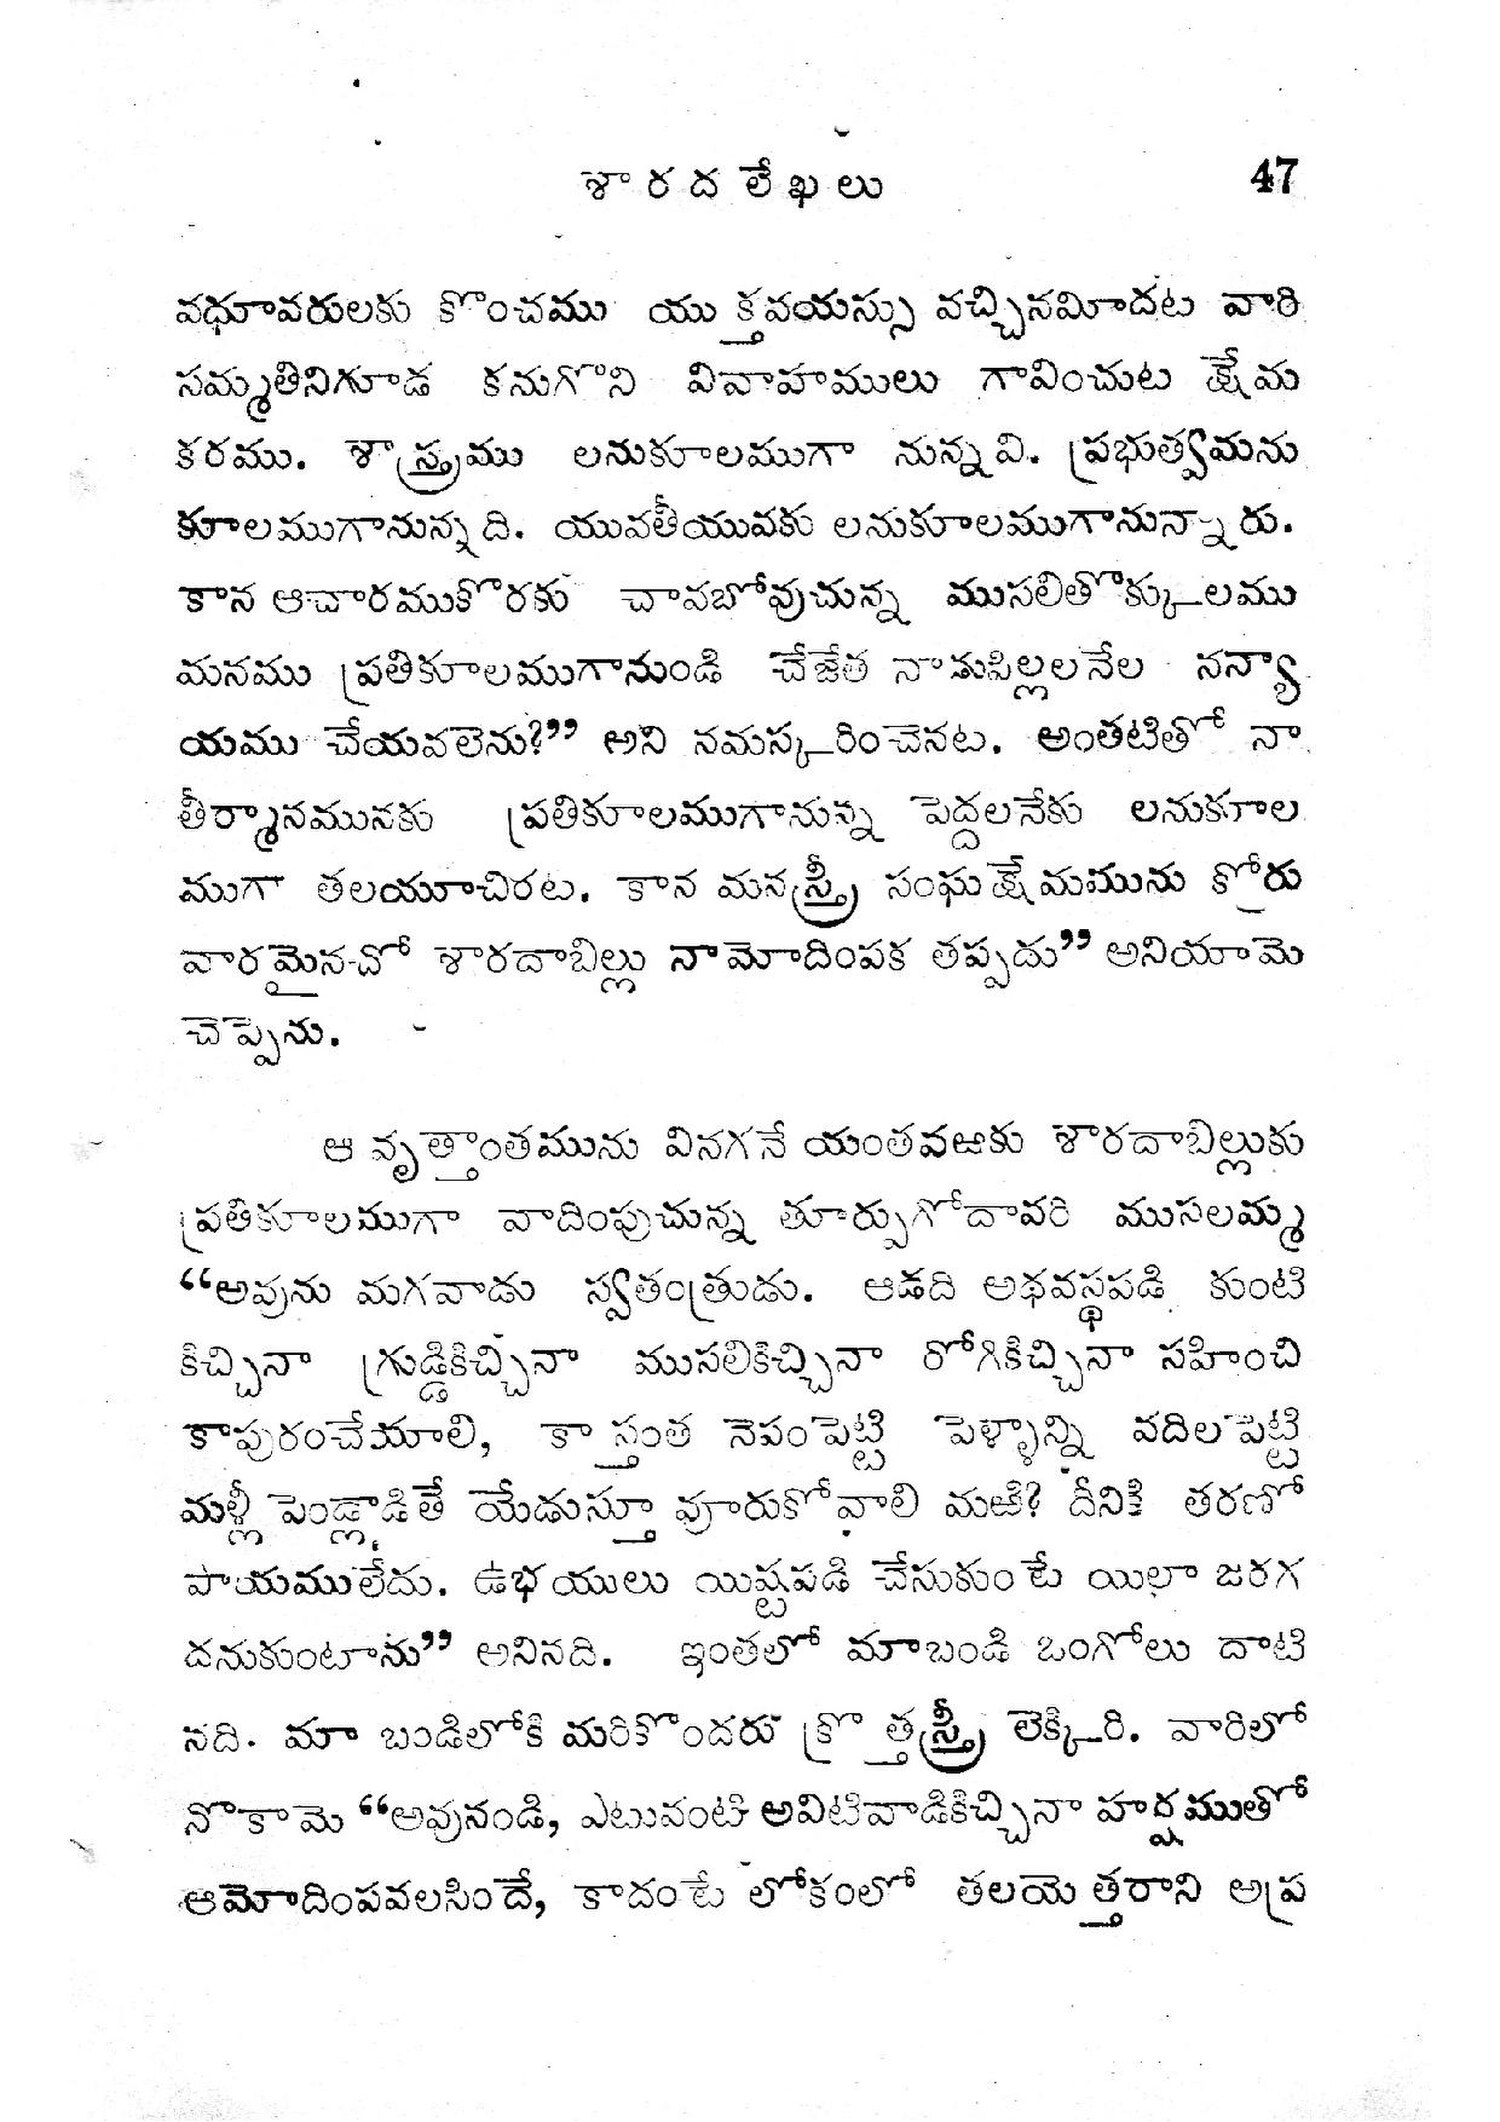వధూవరులకు కొంచము యుక్తవయస్సు వచ్చినమీదట వారి సమ్మతినిగూడ కనుగొని వివాహములు గావించుట క్షేమకరము. శాస్త్రము లనుకూలముగా నున్నవి. ప్రభుత్వమనుకూలముగానున్నది. యువతీయువకు లనుకూలముగానున్నారు. కాన ఆచారముకొరకు చావబోవుచున్న ముసలితొక్కులము
మనము ప్రతికూలముగానుండి చేజేత నాడుపిల్లలనేల నన్యాయము చేయవలెను?" అని నమస్కరించెనట. అంతటితో నా తీర్మానమునకు ప్రతికూలముగానున్న పెద్దలనేకు అనుకూలముగా తలయూచిరట. కాన మనస్త్రీ సంఘక్షేమమును కోరువారమైనచో శారదాబిల్లు నామోదింపక తప్పదు” అనియామె చెప్పెను.

ఆ వృత్తాంతమును వినగనే యంతవఱకు శారదాబిల్లుకు ప్రతికూలముగా వాదింపుచున్న తూర్పుగోదావరి ముసలమ్మ "అవును మగవాడు స్వతంత్రుడు. ఆడది అథవస్థపడి కుంటికిచ్చినా గ్రుడ్డికిచ్చినా ముసలికిచ్చినా రోగికిచ్చినా సహించి కాపురంచేయాలి, కాస్తంత నెపంపెట్టి పెళ్ళాన్ని వదిలపెట్టి మళ్లీ పెండ్లాడితే యేడుస్తూ వూరుకోవాలి మఱి? దీనికి తరణోపాయములేదు. ఉభయులు యిష్టపడి చేసుకుంటే యిలా జరగదనుకుంటాను” అనినది. ఇంతలో మాబండి ఒంగోలు దాటినది. మా బండిలోకి మరికొందరు క్రొత్తస్త్రీ లెక్కిరి. వారిలో నొకామె "అవునండి, ఎటువంటి అవిటివాడికిచ్చినా హర్షముతో ఆమోదింపవలసిందే, కాదంటే లోకంలో తలయెత్తరాని అప్ర